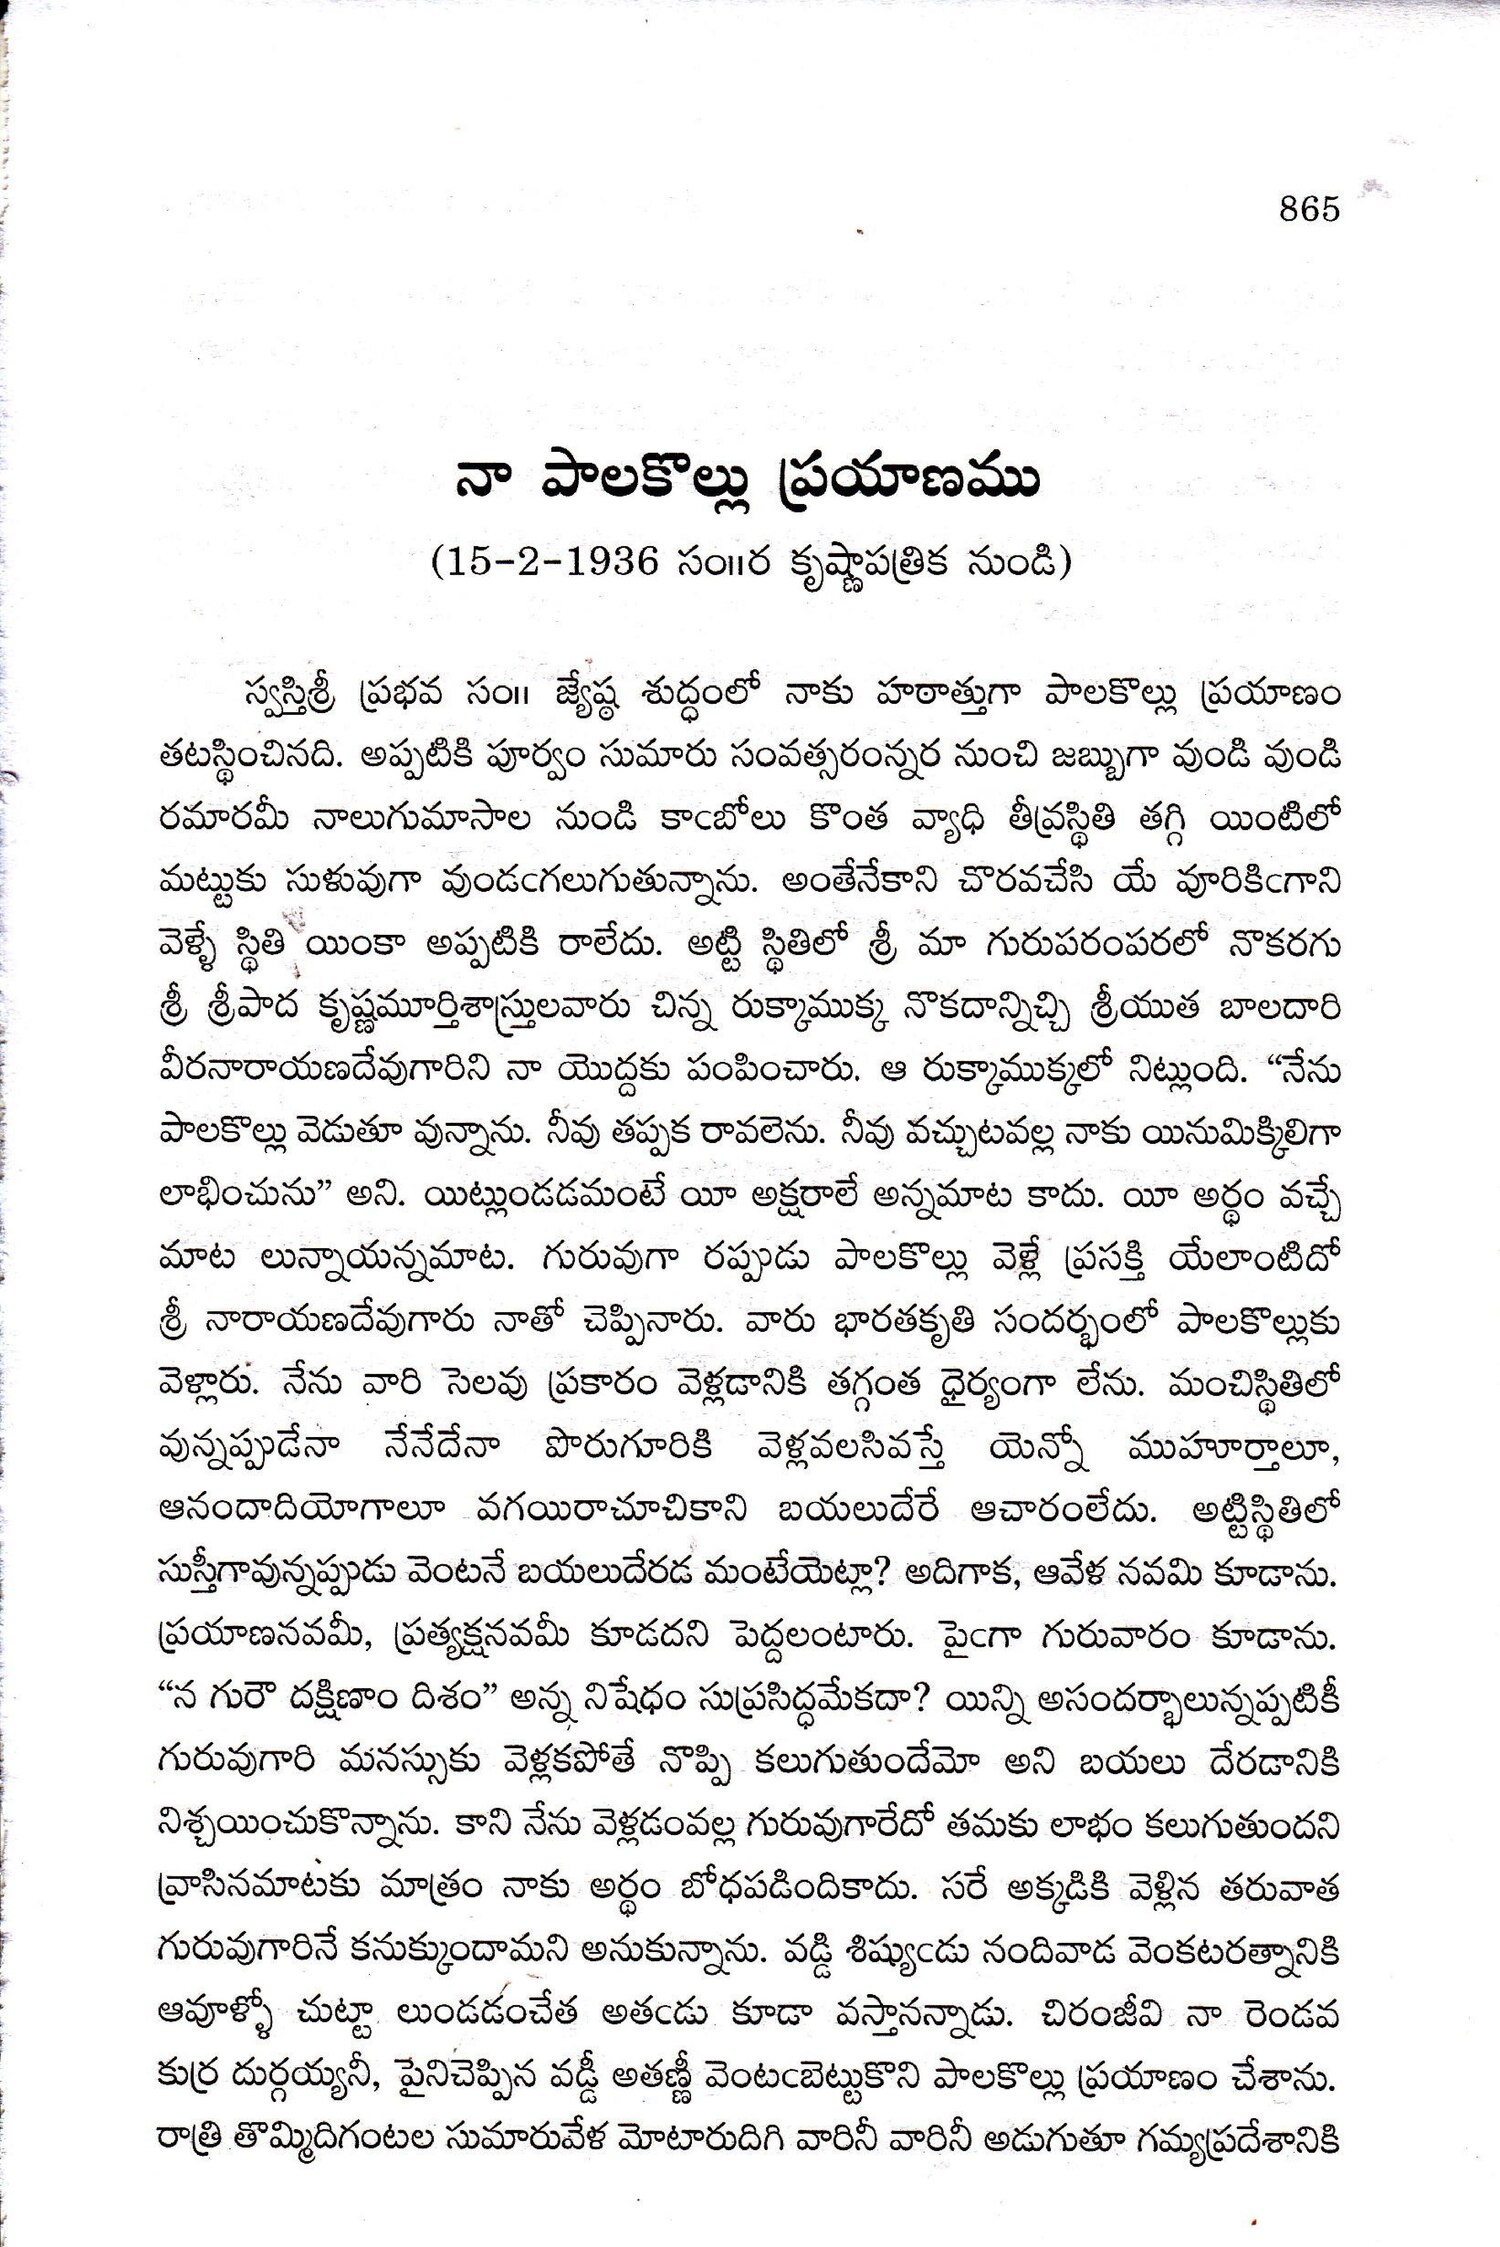నా పాలకొల్లు ప్రయాణము
(15 - 2 - 1936 సం||ర కృష్ణాపత్రిక నుండి)

స్వస్తిశ్రీ ప్రభవ సం|| జ్యేష్ఠ శుద్ధంలో నాకు హఠాత్తుగా పాలకొల్లు ప్రయాణం తటస్థించినది. అప్పటికి పూర్వం సుమారు సంవత్సరంన్నర నుంచి జబ్బుగా వుండి వుండి రమారమీ నాలుగుమాసాల నుండి కాఁబోలు కొంత వ్యాధి తీవ్రస్థితి తగ్గి యింటిలో మట్టుకు సుళువుగా వుండఁగలుగుతున్నాను. అంతేనేకాని చొరవచేసి యే వూరికిఁగాని వెళ్ళే స్థితి యింకా అప్పటికి రాలేదు. అట్టి స్థితిలో శ్రీ మా గురుపరంపరలో నొకరగు శ్రీ శ్రీపాద కృష్ణమూర్తిశాస్త్రులవారు చిన్న రుక్కాముక్క నొకదాన్నిచ్చి శ్రీయుత బాలదారి వీరనారాయణదేవుగారిని నా యొద్దకు పంపించారు. ఆ రుక్కాముక్కలో నిట్లుంది. "నేను పాలకొల్లు వెడుతూ వున్నాను. నీవు తప్పక రావలెను. నీవు వచ్చుటవల్ల నాకు యినుమిక్కిలిగా లాభించును" అని. యిట్లుండడమంటే యీ అక్షరాలే అన్నమాట కాదు. యీ అర్థం వచ్చే మాట లున్నాయన్నమాట. గురువుగా రప్పుడు పాలకొల్లు వెళ్లే ప్రసక్తి యేలాంటిదో శ్రీ నారాయణదేవుగారు నాతో చెప్పినారు. వారు భారతకృతి సందర్భంలో పాలకొల్లుకు వెళ్లారు. నేను వారి సెలవు ప్రకారం వెళ్లడానికి తగ్గంత ధైర్యంగా లేను. మంచిస్థితిలో వున్నప్పుడేనా నేనేదేనా పొరుగూరికి వెళ్లవలసివస్తే యెన్నో ముహూర్తాలూ, ఆనందాదియోగాలూ వగయిరాచూచికాని బయలుదేరే ఆచారంలేదు. అట్టిస్థితిలో సుస్తీగావున్నప్పుడు వెంటనే బయలుదేరడ మంటేయోట్లా? అదిగాక, ఆవేళ నవమి కూడాను. ప్రయాణనవమీ, ప్రత్యక్షనవమీ కూడదని పెద్దలంటారు. పైగా గురువారం కూడాను. “న గురౌ దక్షిణాం దిశం" అన్న నిషేధం సుప్రసిద్ధమేకదా? యిన్ని అసందర్భాలున్నప్పటికీ గురువుగారి మనస్సుకు వెళ్లకపోతే నొప్పి కలుగుతుందేమో అని బయలు దేరడానికి నిశ్చయించుకొన్నాను. కాని నేను వెళ్లడంవల్ల గురువుగారేదో తమకు లాభం కలుగుతుందని వ్రాసినమాటకు మాత్రం నాకు అర్థం బోధపడిందికాదు. సరే అక్కడికి వెళ్లిన తరువాత గురువుగారినే కనుక్కుందామని అనుకున్నాను. వడ్డి శిష్యుఁడు నందివాడ వెంకటరత్నానికి ఆవూళ్ళో చుట్టా లుండడంచేత అతఁడు కూడా వస్తానన్నాడు. చిరంజీవి నా రెండవ కుర్ర దుర్గయ్యనీ, పైనిచెప్పిన వడ్డీ అతణ్ణీ వెంటఁబెట్టుకొని పాలకొల్లు ప్రయాణం చేశాను. రాత్రి తొమ్మిదిగంటల సుమారువేళ మోటారుదిగి వారినీ వారినీ అడుగుతూ గమ్యప్రదేశానికి